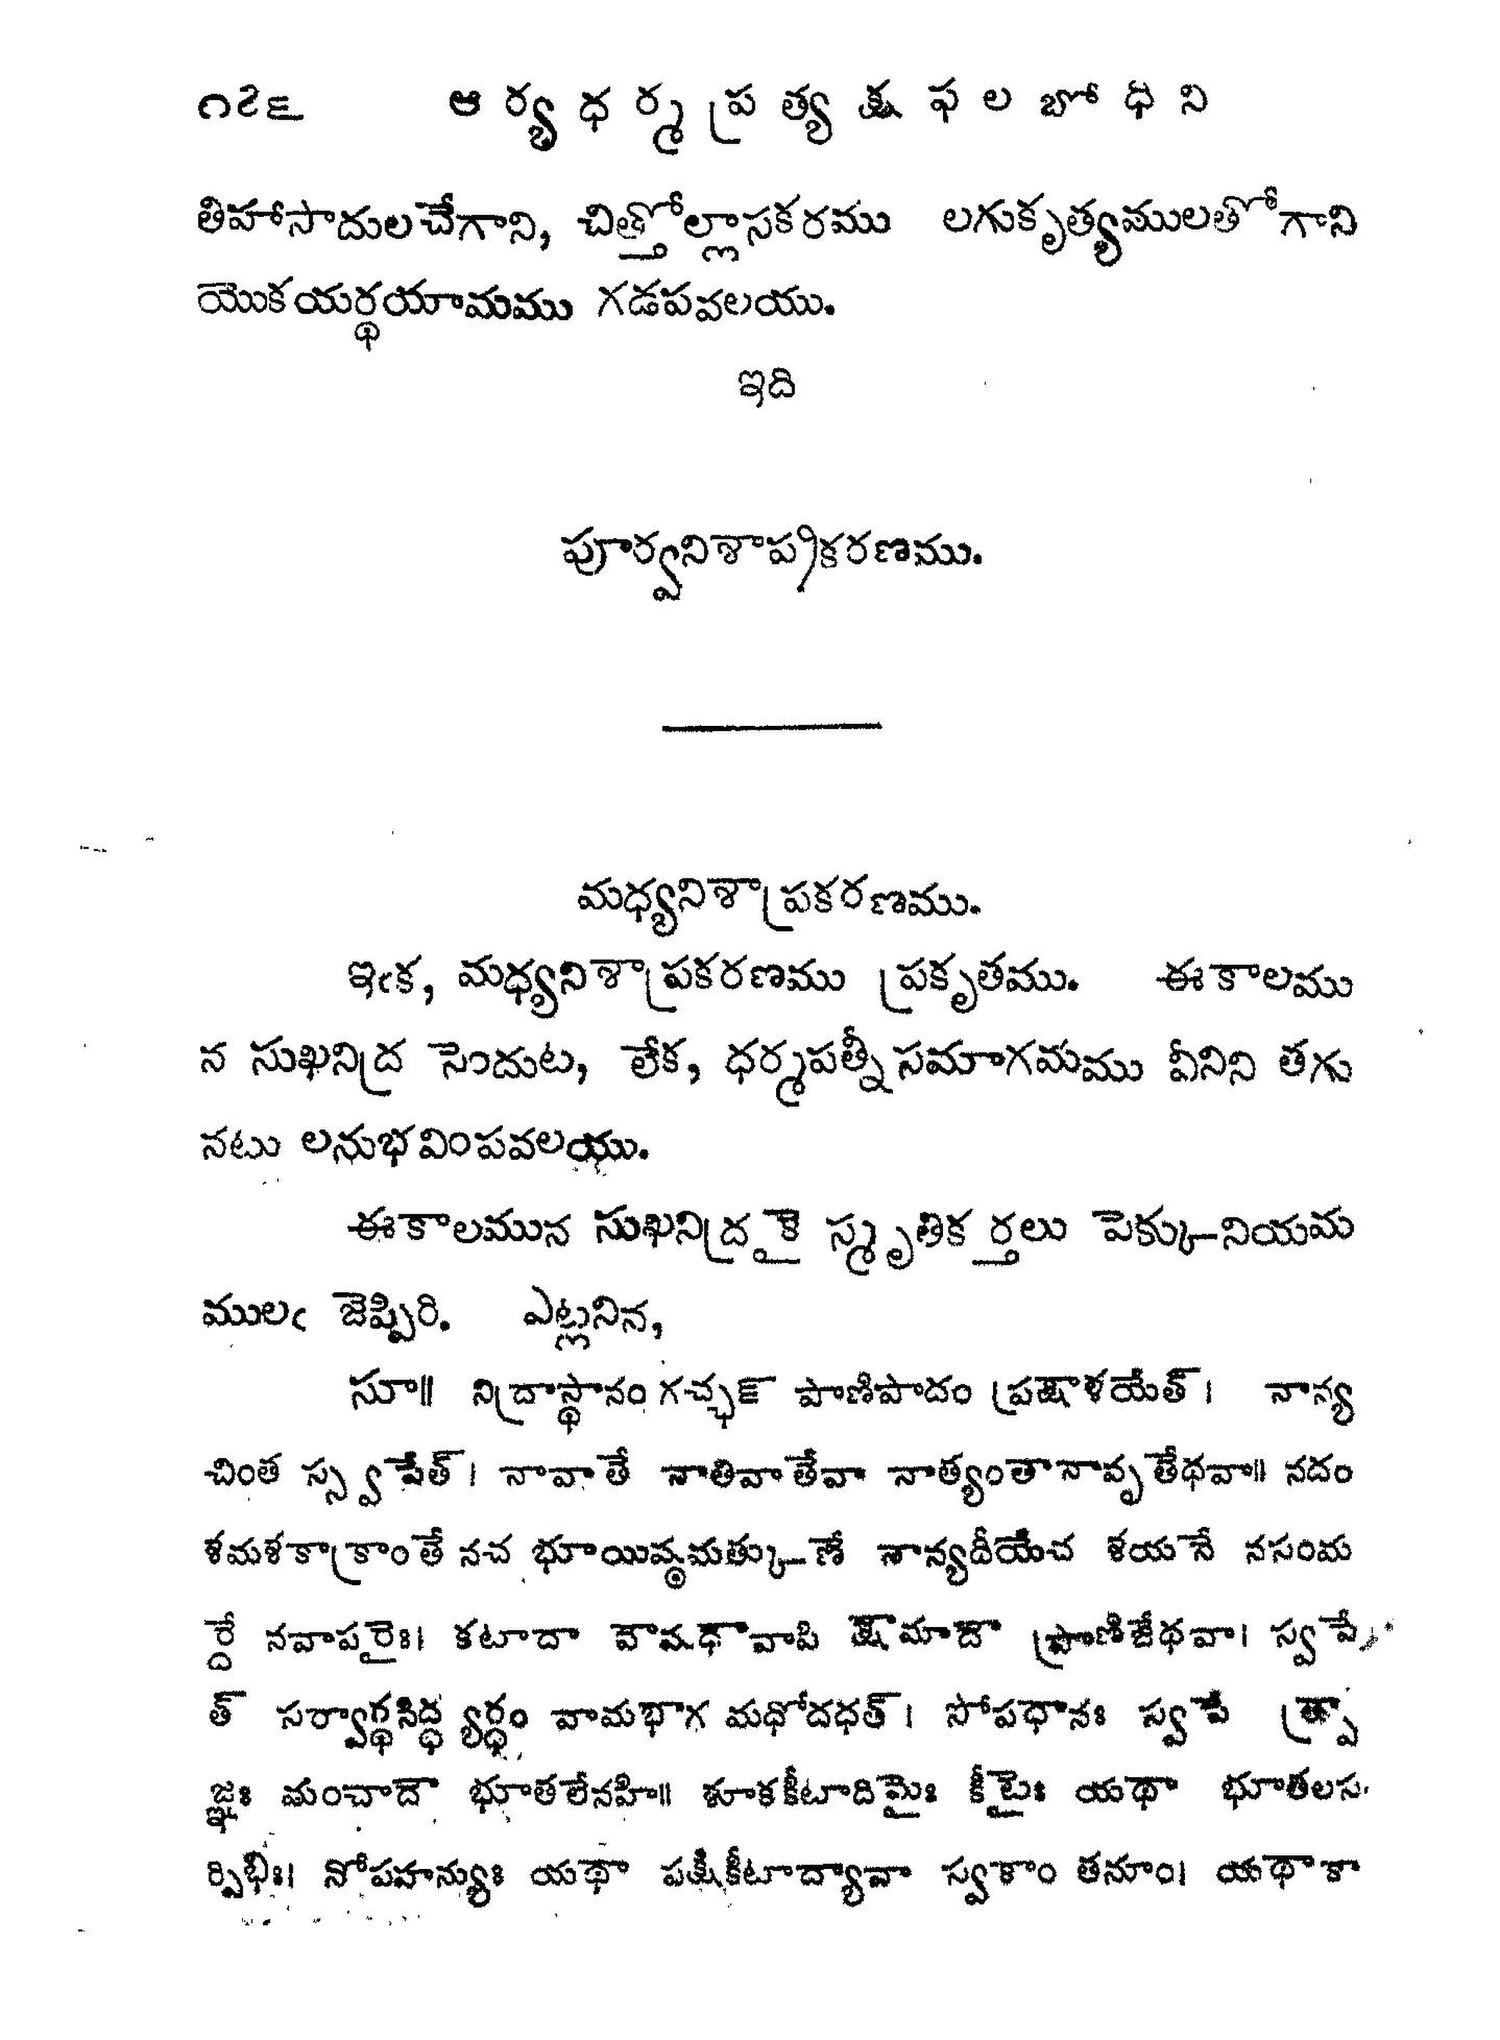తిహాసాదులచేగాని, చిత్తోల్లాసకరము లగుకృత్యములతోగాని యొకయర్థయామము గడపవలయు.

ఇఁక, మధ్యనిశాప్రకరణము ప్రకృతము. ఈకాలమున సుఖనిద్ర నొందుట, లేక, ధర్మపత్నీసమాగమము వీనిని తగునటు లనుభవింపవలయు.

ఈకాలమున సుఖనిద్రకై స్మృతికర్తలు పెక్కునియమములఁ జెప్పిరి. ఎట్లనిన,

సూ॥ నిద్రాస్థానం గచ్ఛన్ పాణిపాదం ప్రక్షాళయేత్ । నాన్యచింత స్స్వపేత్ ! నావాతే నాతివాతేవా నాత్యంతానావృతేథవా॥ నదం శమశకాక్రాంతే నచ భూయిష్ఠమత్కుణే నాన్యదీయేచ శయనే నసంమర్దే నవాపరైః। కటాదా వౌషధావాపి క్షామాదౌ ప్రాణిజేథవా। స్వపేత్ సర్వార్థసిద్ధ్యర్ధం వామభాగ మధోదధత్ । సోపధానః స్వపే త్ప్రాజ్ఞ మంచాదౌ భూతలేనహి॥ ళూకకీటాదిమైః కీటైః యథా భూతలసర్పిభిః। నోపహన్యుః యథా పక్షికీటాద్యావా స్వకాం తనూం। యథాకా